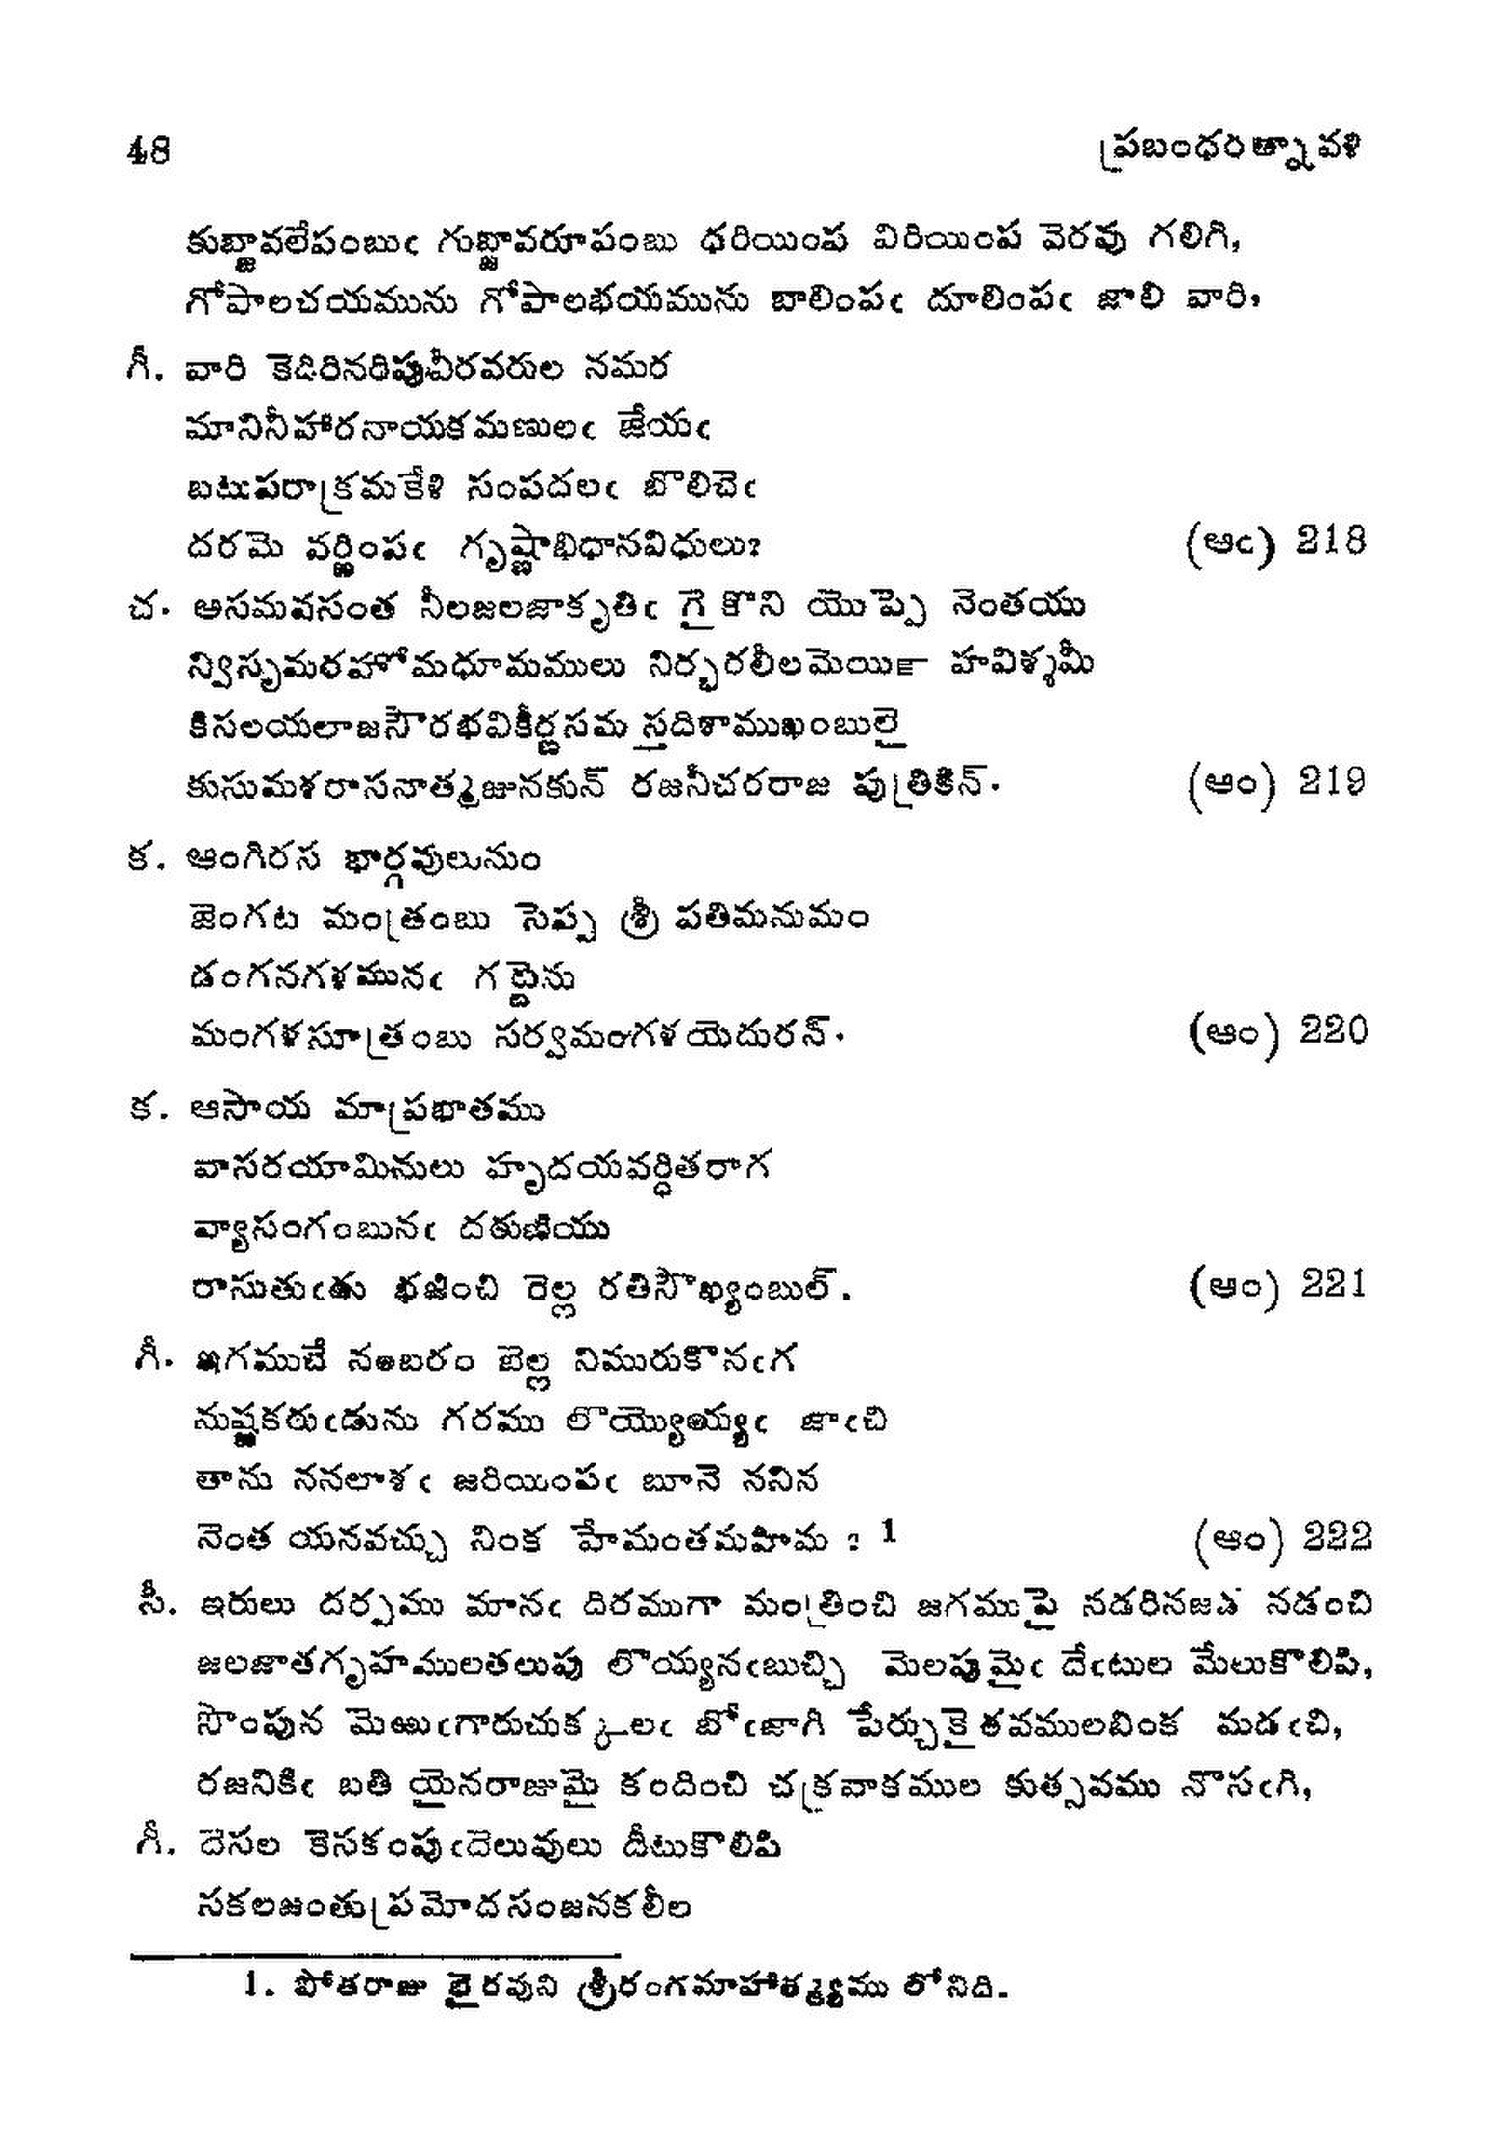కుబ్జావలేపంబుఁ గుబ్జావరూపంబు ధరియింప విరియింప వెరవు గలిగి,
గోపాలచయమును గోపాలభయమును బాలింపఁ దూరింపఁ జాలి వారి,
గీ. వారి కెదిరిన రిపువీరవరుల నమర
మానినీ హారనాయకమణులఁ జేయఁ
బటుపరాక్రమకేళి సంపదలఁ బొలిచెఁ
దరమె వర్ణింపఁ గృష్ణాభిధానవిధులు? (ఆం) 218

చ. అసమవసంత నీల జలజాకృతిఁ గైకొని యొప్పె నెంతయు
న్విసృమర హోమధూమములు నిర్భర లీలమెయిన్ హవిశ్శమీ
కిసలయ లాజసౌరభ వికీర్ణసమస్తదిశాముఖంబులై
కుసుమశరాసనాత్మజునకున్ రజనీచర రాజపుత్రికిన్. (ఆం) 219

క. ఆంగిరస భార్గవులును
జెంగట మంత్రంబు సెప్పశ్రీపతి మనుమం
డంగన గళమునఁ గట్టెను
మంగళసూత్రంబు సర్వమంగళ యెదురన్. (ఆం) 220

క. ఆసాయ మాప్రభాతము
వాసరయామినులు హృదయవర్థితరాగ
వ్యాసంగంబునఁ దరుణియు
రాసుతుఁడు భజించి రెల్ల రతిసౌఖ్యంబుల్. (ఆం) 221

గీ. ఇగముచే నంబరంబెల్ల నిమురుకొనఁగ
నుష్ణకరుఁడును గరము లొయ్యొయ్యఁ జాఁచి
తాను ననలాశఁ జరియింపఁ బూలె ననిన
నెంత యనవచ్చు నింక హేమంతమహిమ? (ఆం) 222

సీ. ఇరులు దర్పము మానఁ దిరముగా మంత్రించి జగముపై నడరిన జడ నడంచి,
జలజాతగృహములతలుపు లొయ్యనఁ బుచ్చి మెలపుమైఁ దేఁటుల మేలుకొలిపి,
సొంపున మెఱుఁగారు చుక్కలఁ బోఁజాగి పేర్చుకైరవముల బింక మడఁచి,
రజనికిఁ బతియైన రాజుమై కందించి చక్రవాకముల కుత్సవము నొసఁగి
గీ. దెసల కెసకంపుఁదెలువులు దీటుకొలిపి
సకలజంతుప్రమోదసంజనకలీల